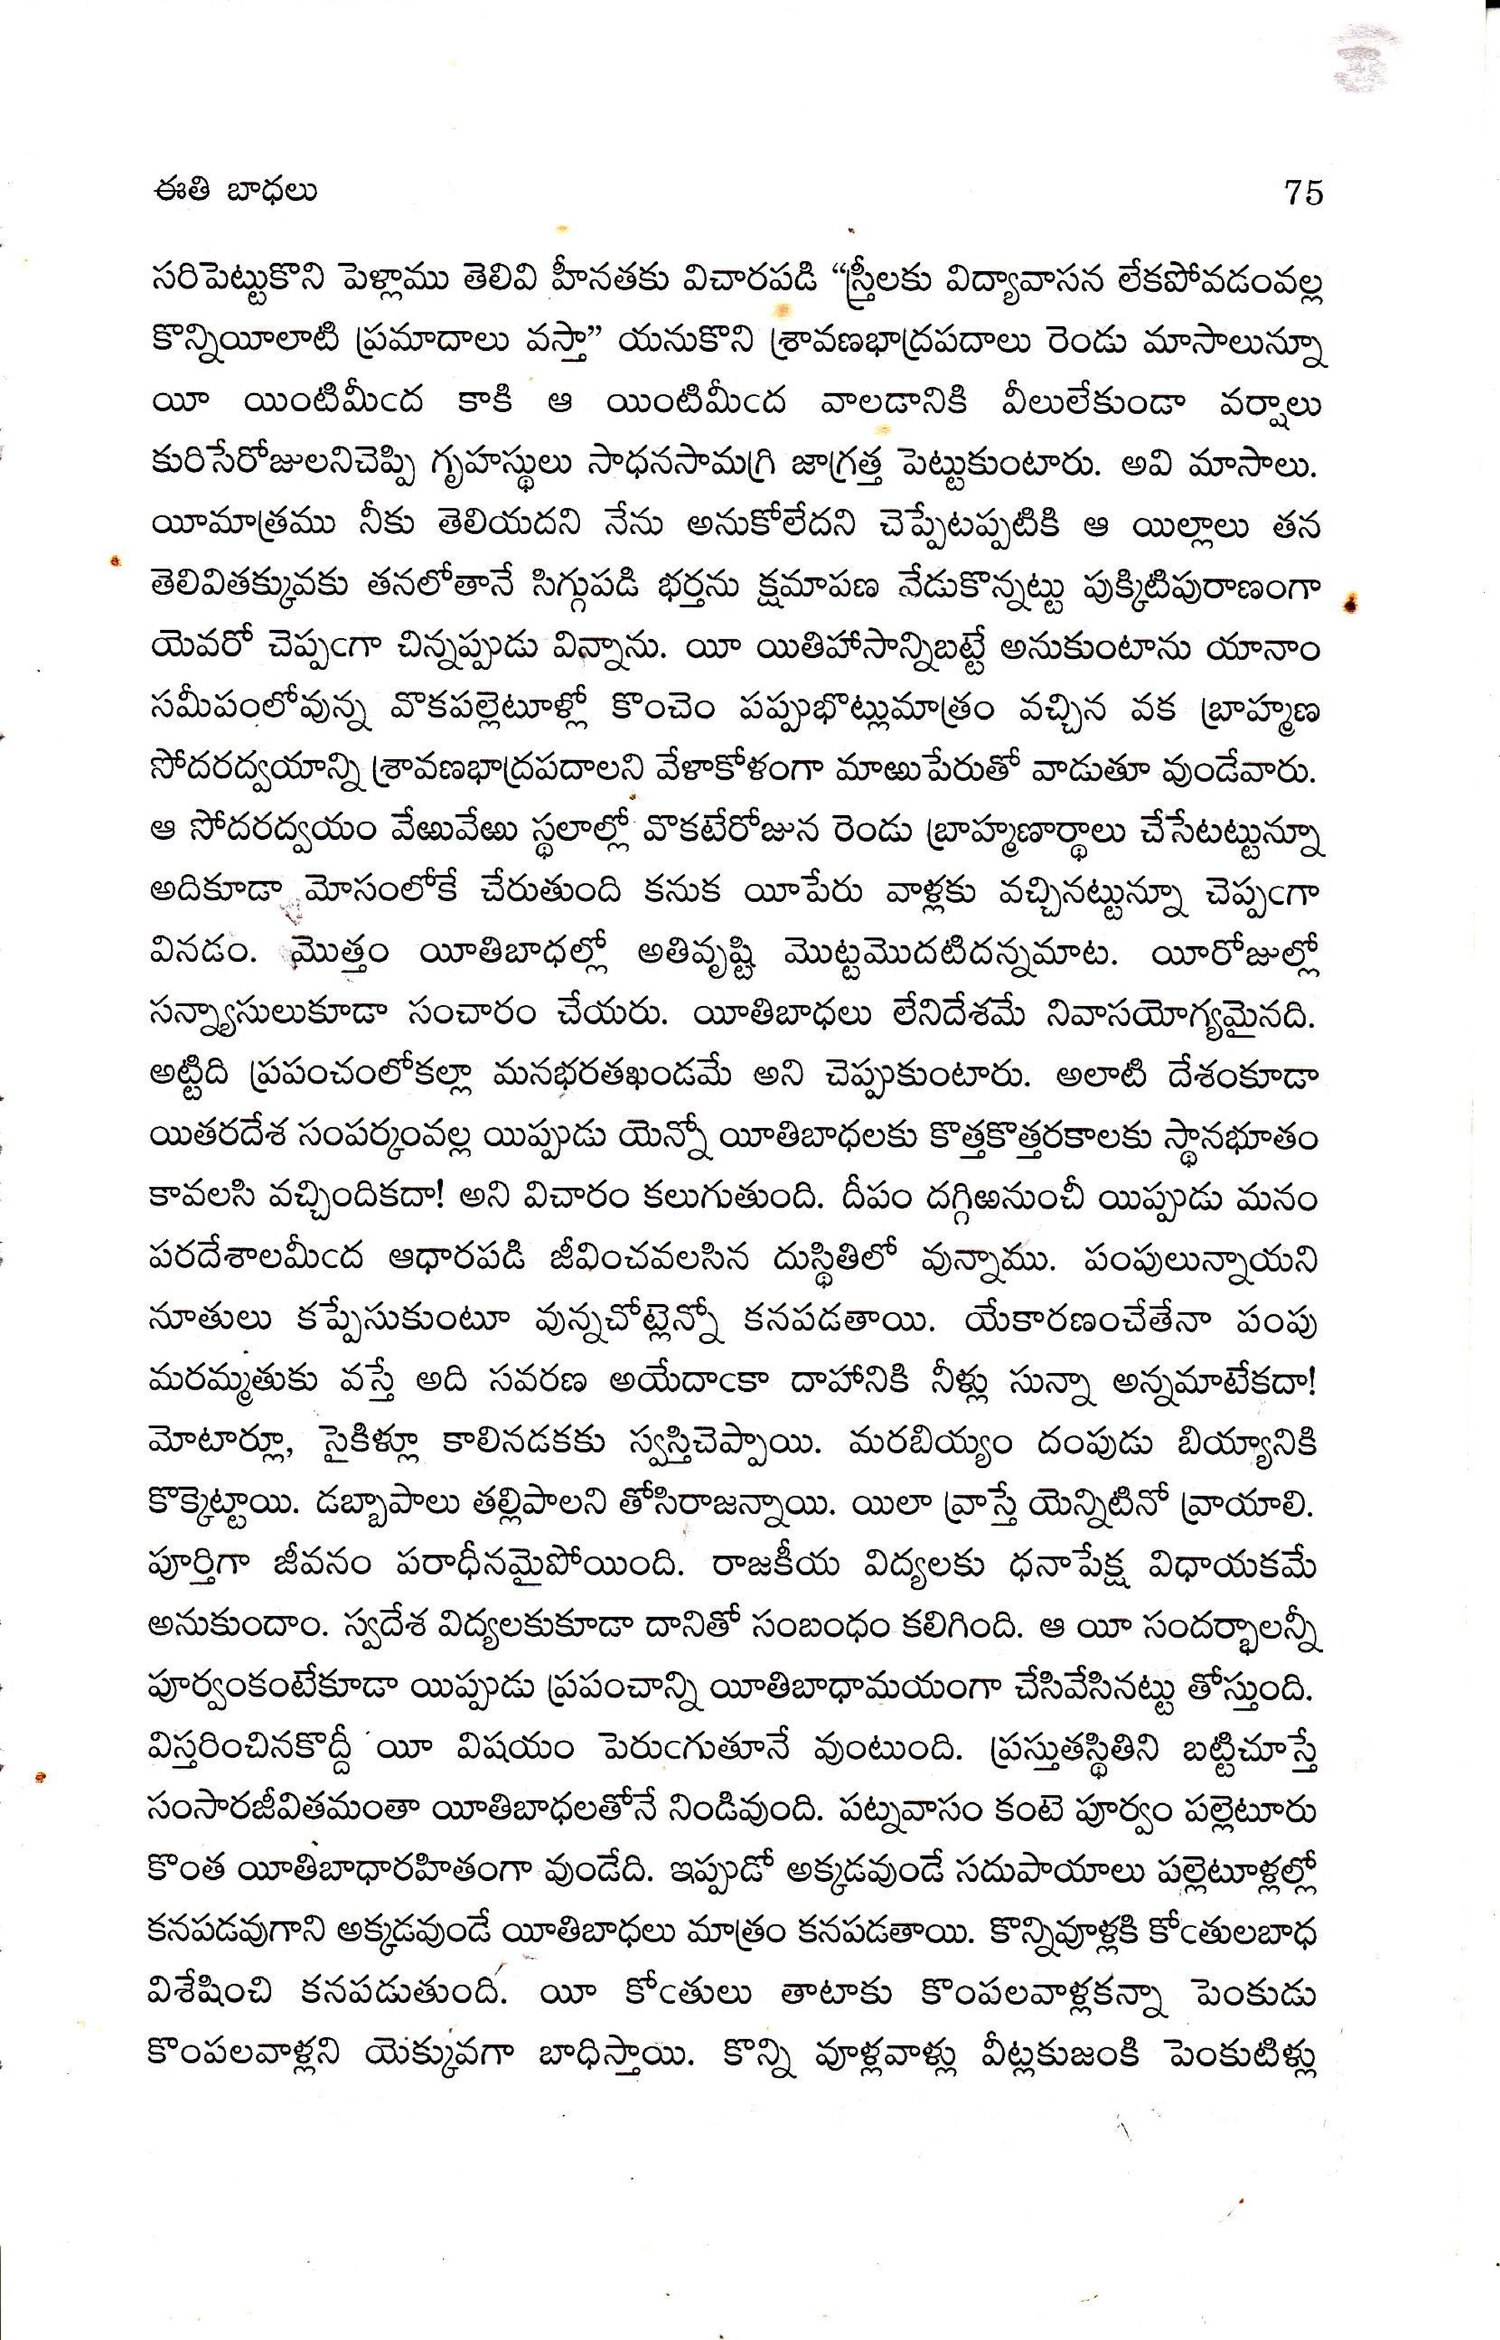సరిపెట్టుకొని పెళ్లాము తెలివి హీనతకు విచారపడి “స్త్రీలకు విద్యావాసన లేకపోవడంవల్ల కొన్నియీలాటి ప్రమాదాలు వస్తా" యనుకొని శ్రావణభాద్రపదాలు రెండు మాసాలున్నూ యీ యింటిమీంద కాకి ఆ యింటిమీంద వాలడానికి వీలులేకుండా వర్షాలు కురిసేరోజులనిచెప్పి గృహస్టులు సాధనసామగ్రి జాగ్రత్త పెట్టుకుంటారు. అవి మాసాలు. యీమాత్రము నీకు తెలియదని నేను అనుకోలేదని చెప్పేటప్పటికి ఆ యిల్లాలు తన తెలివితక్కువకు తనలోతానే సిగ్గుపడి భర్తను క్షమాపణ నేడుకొన్నట్టు పుక్కిటిపురాణంగా యెవరో చెప్పంగా చిన్నప్పుడు విన్నాను. యీ యితిహాసాన్నిబట్టే అనుకుంటాను యానాం సమీపంలోవున్న వొకపల్లెటూళ్లో కొంచెం పప్పుభోట్లు మాత్రం వచ్చిన వక బ్రాహ్మణ సోదరద్వయాన్ని శ్రావణభాద్రపదాలని వేళాకోళంగా మాఱుపేరుతో వాడుతూ వుండేవారు. ఆ సోదరద్వయం వేఱువేఱు స్థలాల్లో వొకటేరోజున రెండు బ్రాహ్మణార్థాలు చేసేటట్టున్నూ అదికూడా మోసంలోకే చేరుతుంది కనుక యీ పేరు వాళ్లకు వచ్చినట్టున్నూ చెప్పంగా వినడం. మొత్తం యీతిబాధల్లో అతివృష్టి మొట్టమొదటిదన్నమాట. యీరోజుల్లో సన్యాసులుకూడా సంచారం చేయరు. యీతిబాధలు లేనిదేశమే నివాసయోగ్యమైనది. అట్టిది ప్రపంచంలోకల్లా మనభరతఖండమే అని చెప్పకుంటారు. అలాటి దేశంకూడా యితరదేశ సంపర్కంవల్ల యిప్పడు యెన్నోయీతిబాధలకు కొత్తకొత్తరకాలకు స్థానభూతం కావలసి వచ్చిందికదా! అని విచారం కలుగుతుంది. దీపం దగ్గిఱనుంచీ యిప్పడు మనం పరదేశాలమీఁద ఆధారపడి జీవించవలసిన దుస్థితిలో వున్నాము. పంపులున్నాయని నూతులు కప్పేసుకుంటూ వున్నచోట్లెన్నో కనపడతాయి. యేకారణంచేతేనా పంపు మరమ్మతుకు వస్తే అది సవరణ అయేదాకా దాహానికి నీళ్లు సున్నా అన్నమాటేకదా! మోటారూ, సైకిళూ కాలినడకకు స్వస్తిచెప్పాయి. మరబియ్యం దంపుడు బియ్యానికి కొక్కెట్టాయి. డబ్బాపాలు తల్లిపాలని తోసిరాజన్నాయి. యిలా వ్రాస్తే యెన్నిటినో వ్రాయాలి. పూర్తిగా జీవనం పరాధీనమైపోయింది. రాజకీయ విద్యలకు ధనాపేక్ష విధాయకమే అనుకుందాం. స్వదేశ విద్యలకుకూడా దానితో సంబంధం కలిగింది. ఆ యీ సందర్భాలన్నీ పూర్వంకంటేకూడా యిప్పడు ప్రపంచాన్ని యీతిబాధామయంగా చేసివేసినట్టు తోస్తుంది. విస్తరించినకొద్దీ యీ విషయం పెరుంగుతూనే వుంటుంది. ప్రస్తుతస్థితిని బట్టిచూస్తే సంసారజీవితమంతా యీతిబాధలతోనే నిండివుంది. పట్నవాసం కంటె పూర్వం పల్లెటూరు కొంత యీతిబాధారహితంగా వుండేది. ఇప్పుడో అక్కడవుండే సదుపాయాలు పల్లెటూళ్లల్లో కనపడవుగాని అక్కడవుండే యీతిబాధలు మాత్రం కనపడతాయి. కొన్నివూళ్లకి కోఁతులబాధ విశేషించి కనపడుతుంది. యీ కోఁతులు తాటాకు కొంపలవాళ్లకన్నా పెంకుడు కొంపలవాళ్లని యొక్కువగా బాధిస్తాయి. కొన్ని వూళ్లవాళ్లు వీట్లకుజంకి పెంకుటిళ్లు

o -